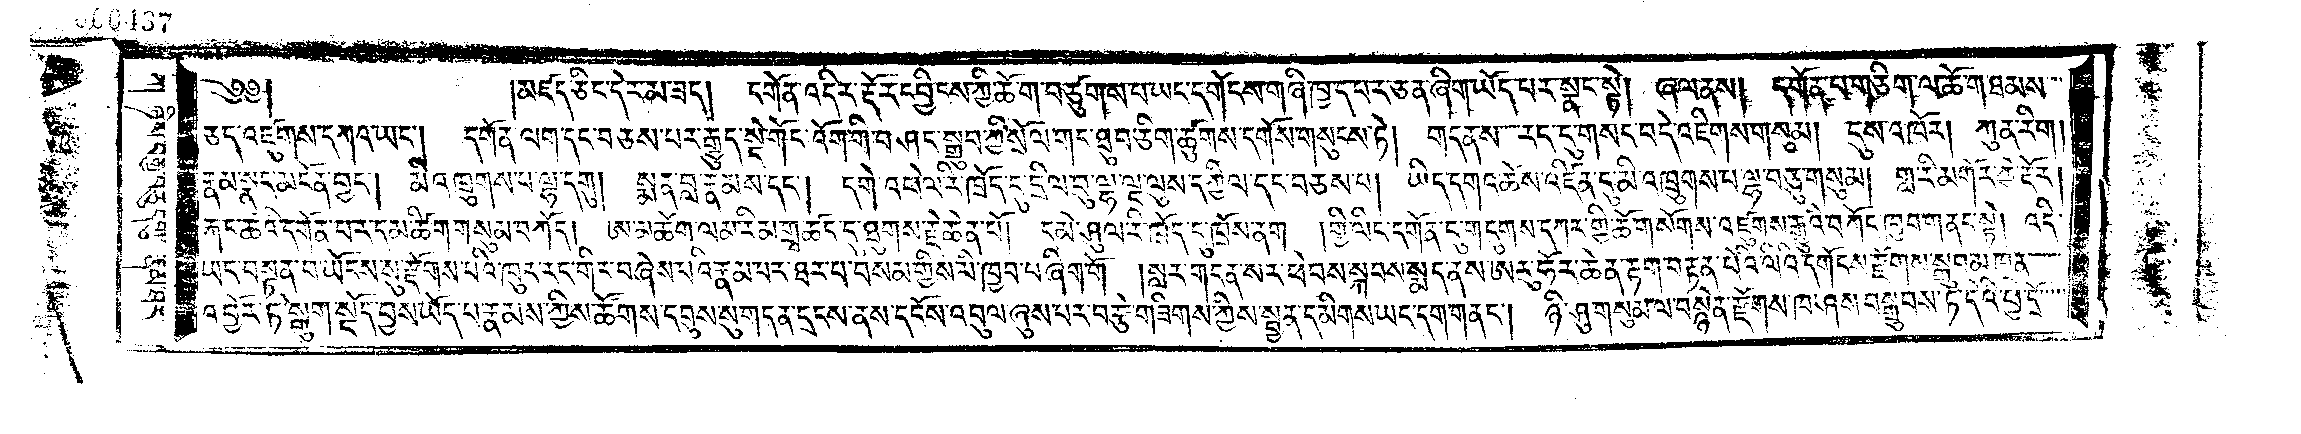༄༅། །མཛད་ཅིང་དེར་མ་ཟད། དགོན་འདིར་རྡོར་དབྱིངས་ཀྱི་ཆོ་ག་བཙུགས་པ་ཡང་དགོངས་གཞི་ཁྱད་པར་ཅན་ཞིག་ཡོད་པར་སྣང་སྟེ། ཞལ་ནས། དགོན་པ་གཅིག་ལ་ཆོ་ག་ཐམས་
ཅད་འཛུགས་དཀའ་ཡང་། དགོན་ལག་དང་བཅས་པར་རྒྱུད་སྡེ་གོང་འོག་གི་བཤད་སྒྲུབ་ཀྱི་སྲོལ་གང་ཐུབ་ཅིག་ཚུགས་དགོས་གསུངས་ཏེ། གདན་ས་རང་དུ་གསང་བདེ་འཇིགས་གསུམ། དུས་འཁོར། ཀུན་རིག།
རྣམ་སྣང་མངོན་བྱང་། མི་འཁྲུགས་པ་ལྷ་དགུ། སྨན་བླ་རྣམས་དང་། དགེ་བའི་ལ་རི་ཁྲོད་དུ་དྲིལ་བུ་ལྷ་ལྔ་ལུས་དཀྱིལ་དང་བཅས་པ། ཡིད་དགའ་ཆོས་འཛིན་དུ་མི་འཁྲུགས་པ་ལྷ་བཅུ་གསུམ། གླ་རི་མགོར་ཀྱེ་རྡོར།
རྐང་ཚའི་དགོན་པར་དམ་ཚིག་གསུམ་བཀོད། ཨ་མཆོག་ལམ་རིམ་གྲྭ་ཚང་དུ་ཐུགས་རྗེ་ཆེན་པོ། དམེ་ཤུལ་རི་ཁྲོད་དུ་ཁྲོས་ནག །གྱི་ལིང་དགོན་དུ་གདུགས་དཀར་གྱི་ཆོ་ག་སོགས་འཛུགས་རྒྱུའི་བཀོད་ཁྱབ་གནང་སྟེ། འདི་
ཡང་བསྟན་པ་ཡོངས་སུ་རྫོགས་པའི་ཁུར་རང་གིར་བཞེས་པའི་རྣམ་པར་ཐར་པ་བསམ་གྱིས་མི་ཁྱབ་པ་ཞིག་གོ །སླར་གདན་སར་ཕེབས་སྐབས་སྨད་ནས་ཨ་རུ་ཧོར་ཆེན་རྟག་བརྟན་པོའི་ལིའི་དགོངས་རྫོགས་སྒྲུབ་མཁན་
འབྱོར་ཏེ་སྡུག་སྡོད་བྱས་མོད་པ་རྣམས་ཀྱིས་ཚོགས་དབུས་སུ་གདན་དྲངས་ནས་དངོས་འབུལ་ཞུས་པར་བརྩེ་གཟིགས་ཀྱིས་སྤྱན་དམིགས་ཡང་དག་གནང་། ཉི་ཤུ་གསུམ་ལ་བསྙེན་རྫོགས་ཁ་ཤས་བསྒྲུབས་ཏེ་དེའི་ཕྱི་དྲོ་